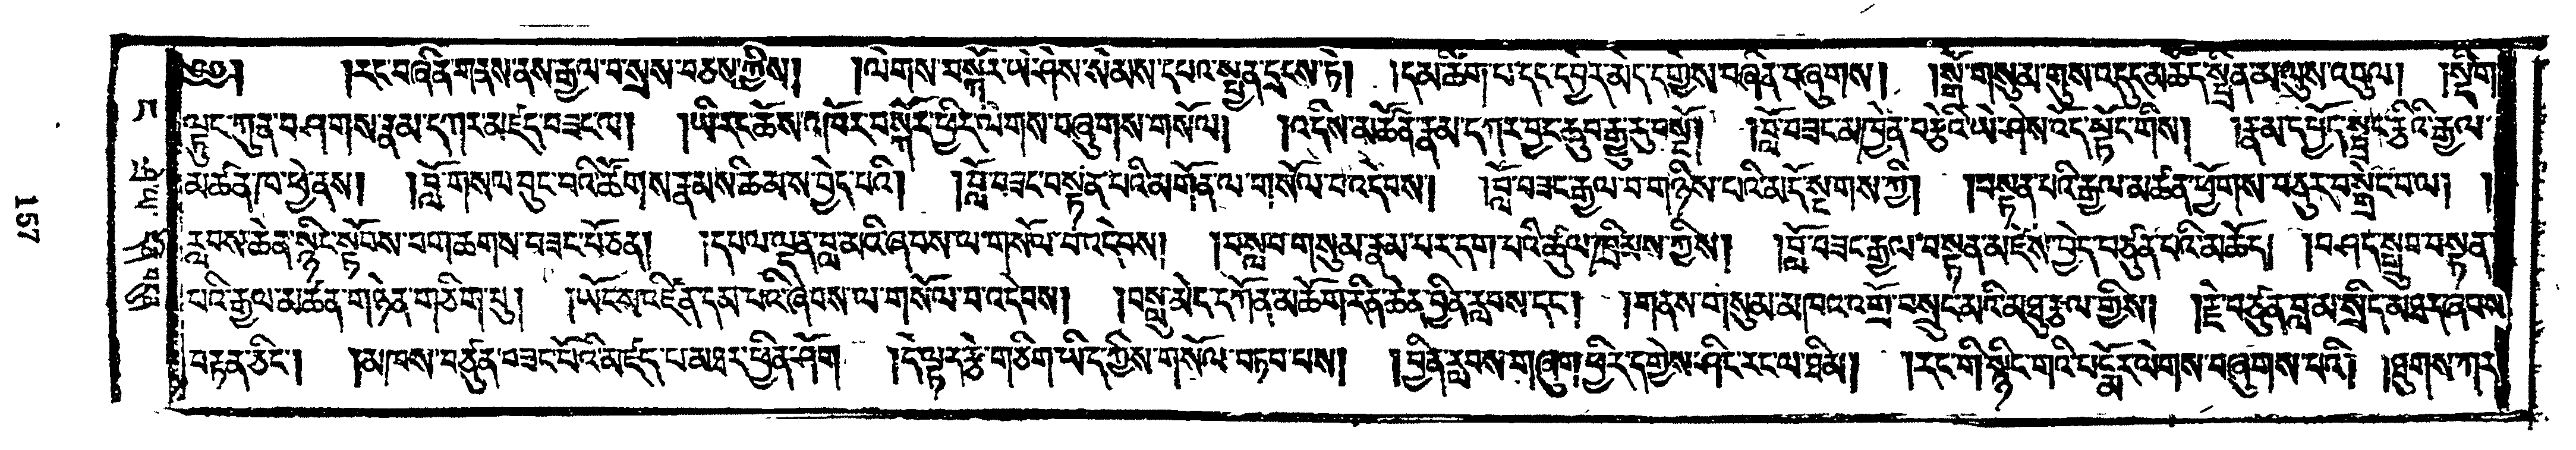༄༅། །རང་བཞིན་གནས་ནས་རྒྱལ་བ་སྲས་བཅས་ཀྱིས། །ལེགས་བསྐོར་ཡེ་ཤེས་སེམས་དཔའ་སྤྱན་དྲངས་ཏེ། །དམ་ཚིག་པ་དང་དབྱེར་མེད་དགྱེས་བཞིན་བཞུགས། །སྒོ་གསུམ་གུས་འདུད་མཆོད་སྤྲིན་མ་ལུས་འབུལ། །སྡིག་
ལྟུང་ཀུན་བཤགས་རྣམ་དཀར་མཛད་བཟང་ལ། །ཡི་རང་ཆོས་འཁོར་བསྐོར་ཕྱིར་ལེགས་བཞུགས་གསོལ། །འདིས་མཚོན་རྣམ་དཀར་བྱང་ཆུབ་རྒྱུ་རུ་བསྔོ། །བློ་བཟང་མཁྱེན་བརྩེའི་ཡེ་ཤེས་འོད་སྟོང་གིས། །རྣམ་དཔྱོད་སྦྲང་རྩིའི་རྒྱལ་
མཚན་ཁ་ཕྱེ་ནས། །བློ་གསལ་བུང་བའི་ཚོགས་རྣམས་ཆིམས་བྱེད་པའི། །བློ་བཟང་བསྟན་པའི་མགོན་ལ་གསོལ་བ་འདེབས། །བློ་བཟང་རྒྱལ་བ་གཉིས་པའི་མདོ་སྔགས་ཀྱི། །བསྟན་པའི་རྒྱལ་མཚན་ཕྱོགས་བཅུར་བསྒྲེང་བ་ལ། །
རླབས་ཆེན་སྙིང་སྟོབས་བག་ཆགས་བཟང་པོ་ཅན། །དཔལ་ལྡན་བླ་མའི་ཞབས་ལ་གསོལ་བ་འདེབས། །བསླབ་གསུམ་རྣམ་པར་དག་པའི་ཚུལ་ཁྲིམས་ཀྱིས། །བློ་བཟང་རྒྱལ་བསྟན་མཛེས་བྱེད་བཙུན་པའི་མཆོད། །བཤད་སྒྲུབ་བསྟན་
པའི་རྒྱལ་མཚན་གཉེན་གཅིག་པུ། །ཡོངས་འཛིན་དམ་པའི་ཞབས་ལ་གསོལ་བ་འདེབས། །བསླུ་མེད་དཀོན་མཆོག་རིན་ཆེན་བྱིན་རླབས་དང་། །གནས་གསུམ་མཁའ་འགྲོ་བསྲུང་མའི་མཐུ་རྩལ་གྱིས། །རྗེ་བཙུན་བླ་མ་སྲིད་མཐར་ཞབས་
བརྟན་ཅིང་། །མཁས་བཙུན་བཟང་པོའི་མཛད་པ་མཐར་ཕྱིན་ཤོག །དེ་ལྟར་རྩེ་གཅིག་ཡིད་ཀྱིས་གསོལ་བཏབ་པས། །བྱིན་རླབས་གཞུག་ཕྱིར་དགྱེས་ཤིང་རང་ལ་ཐིམ། །རང་གི་སྙིང་གའི་པདམོར་ལེགས་བཞུགས་པའི། །ཐུགས་ཀར་